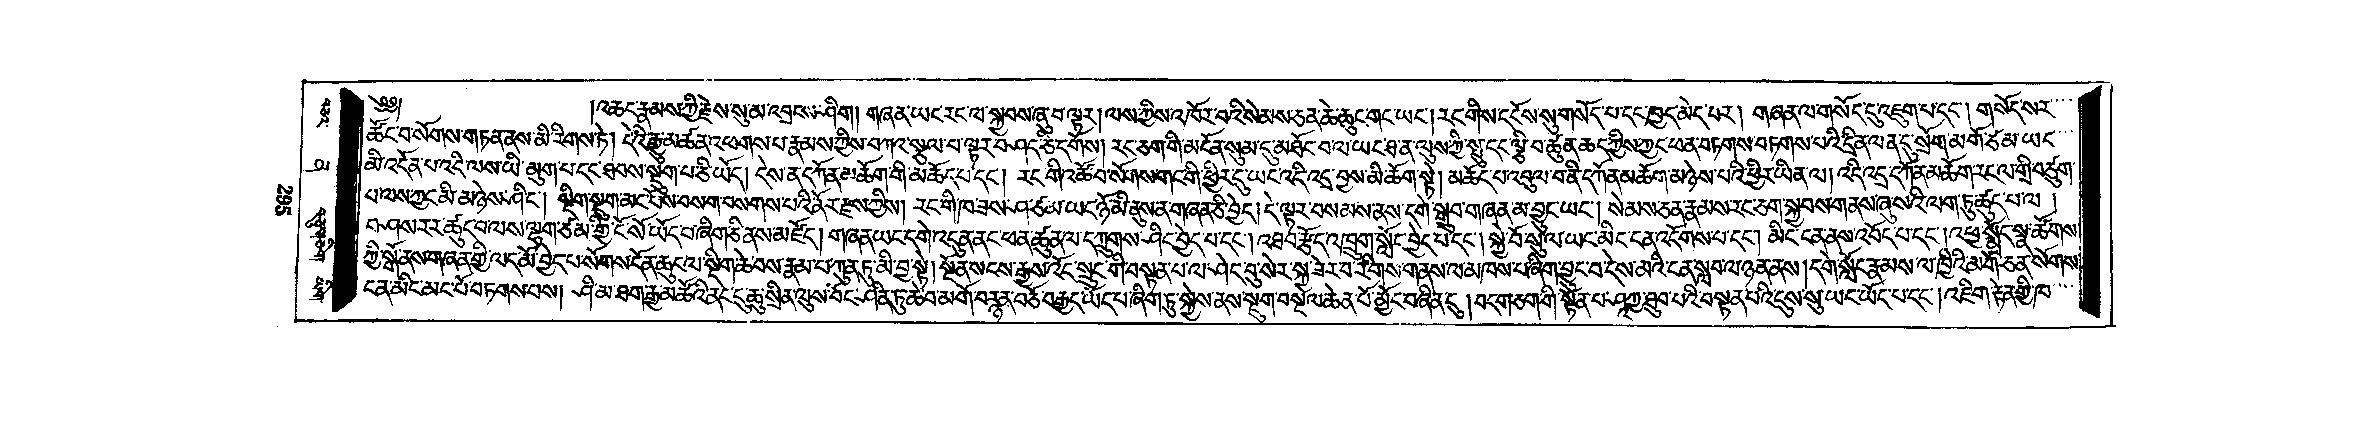༄༅། །འཆང་རྣམས་ཀྱི་རྗེས་སུ་མ་འབྲངས་ཤིག །གཞན་ཡང་རང་ལ་སྐྱབས་ཞུ་བ་ལྟར། ལས་ཀྱིས་འཁོར་བའི་སེམས་ཅན་ཆེ་ཆུང་གང་ཡང་། རང་གིས་དངོས་སུ་གསོད་པ་དང་ཁྱད་མེད་པར། གཞན་ལ་གསོད་དུ་འཇུག་པ་དང་། གསོད་སར་
ཚོང་བ་སོགས་གཏན་ནས་མི་རིགས་ཏེ། དེའི་རྒྱུ་མཚན་འཕགས་པ་རྣམས་ཀྱིས་བཀའ་སྩལ་བ་ལྟར་བཤད་ཅི་དགོས། རང་ཅག་གི་མངོན་སུམ་དུ་མཐོང་བ་ལ་ཡང་ཐ་ན་ལུས་ཀྱི་སྤུ་དང་ལྕི་བ་ཚུན་ཆད་ཀྱིས་ཀྱང་ཕན་བཏགས་བཏགས་པའི་དྲིན་ལན་དུ་སྲོག་མགོ་ཙམ་ཡང་
མི་འདོན་པ་འདི་ལས་ཡི་མུག་པ་དང་ཐབས་སྡུག་པ་ཅི་ཡོད། དེས་ན་དཀོན་མཆོག་གི་མཆོད་པ་དང་། རང་གི་འཚོ་བ་སོགས་གང་གི་ཕྱིར་དུ་ཡང་འདི་འདྲ་བྱས་མི་ཆོག་སྟེ། མཆོད་པ་འབུལ་བ་ནི་དཀོན་མཆོག་མཉེས་པའི་ཕྱིར་ཡིན་ལ། འདི་འདྲ་དཀོན་མཆོག་རང་ལ་གྲི་བཙུག་
པ་ལས་ཀྱང་མི་མཉེས་ཤིང་། སྡིག་སྡུག་མང་པོས་བསག་བསགས་པའི་ནོར་རྫས་ཀྱིས། རང་གི་ཁ་ཟས་ཤ་ཙམ་ཡང་ཉོ་མི་ནུས་ན་གཞན་ཅི་བྱེད། དེ་ལྟར་བསམས་ནས་དགེ་སྒྲུབ་གཞན་མ་བྱུང་ཡང་། སེམས་ཅན་རྣམས་རང་ཅག་སྐྱབས་གནས་ཞུ་སའི་ལག་ཏུ་ཚུད་པ་ལ།
བཤས་རར་ཚུད་པ་ལས་ལྷག་ཙམ་གྱི་ངོ་སོ་ཡོད་པ་ཞིག་ཅི་ནས་མཛོད། གཞན་ཡང་དགེ་འདུན་ནང་ཕན་ཚུན་ལ་དཀྲུགས་ཤིང་བྱེད་པ་དང་། འཐབ་རྩོད་འཁྲུག་སློང་བྱེད་པ་དང་། སྐྱེ་བོ་སུ་ལ་ཡང་མིང་ངན་འདོགས་པ་དང་། མིང་ངན་ནས་འབོད་པ་དང་། འཕྱ་སྨྲོད་སྣ་ཚོགས་
ཀྱི་སྒོ་ནས་གཞན་གྱི་ལད་མོ་བྱེད་པ་སོགས་དོན་ཆུང་ལ་སྡིག་ཆེ་བས་རྣམ་པ་ཀུན་ཏུ་མི་བྱ་སྟེ། སྔོན་སངས་རྒྱས་འོད་སྲུང་གི་བསྟན་པ་ལ་ཤེད་བུ་སེར་སྐྱ་ཟེར་བ་རིགས་གནས་ལ་མཁས་པ་ཞིག་བྱུང་བ་དེས་མའི་ངན་སླབ་ལ་ཉན་ནས། དགེ་སློང་རྣམས་ལ་ཁྱིའི་མགོ་ཅན་སོགས་
ངན་མིང་མང་པོ་བཏགས་པས། ཤི་མ་ཐག་རྒྱ་མཚོའི་ནང་དུ་ཆུ་སྲིན་ལུས་བོང་ཤིན་ཏུ་ཆེ་བ་མགོ་བརྙན་བཅོ་བརྒྱད་ཡོད་པ་ཞིག་ཏུ་སྐྱེས་ནས་སྡུག་བསྔལ་ཆེན་པོ་མྱོང་བཞིན་དུ། བདག་ཅག་གི་སྟོན་པ་ཤཱཀྱ་ཐུབ་པའི་བསྟན་པའི་དུས་སུ་ཡང་ཡོད་པ་དང་། འཇིག་རྟེན་གྱི་ཁ་